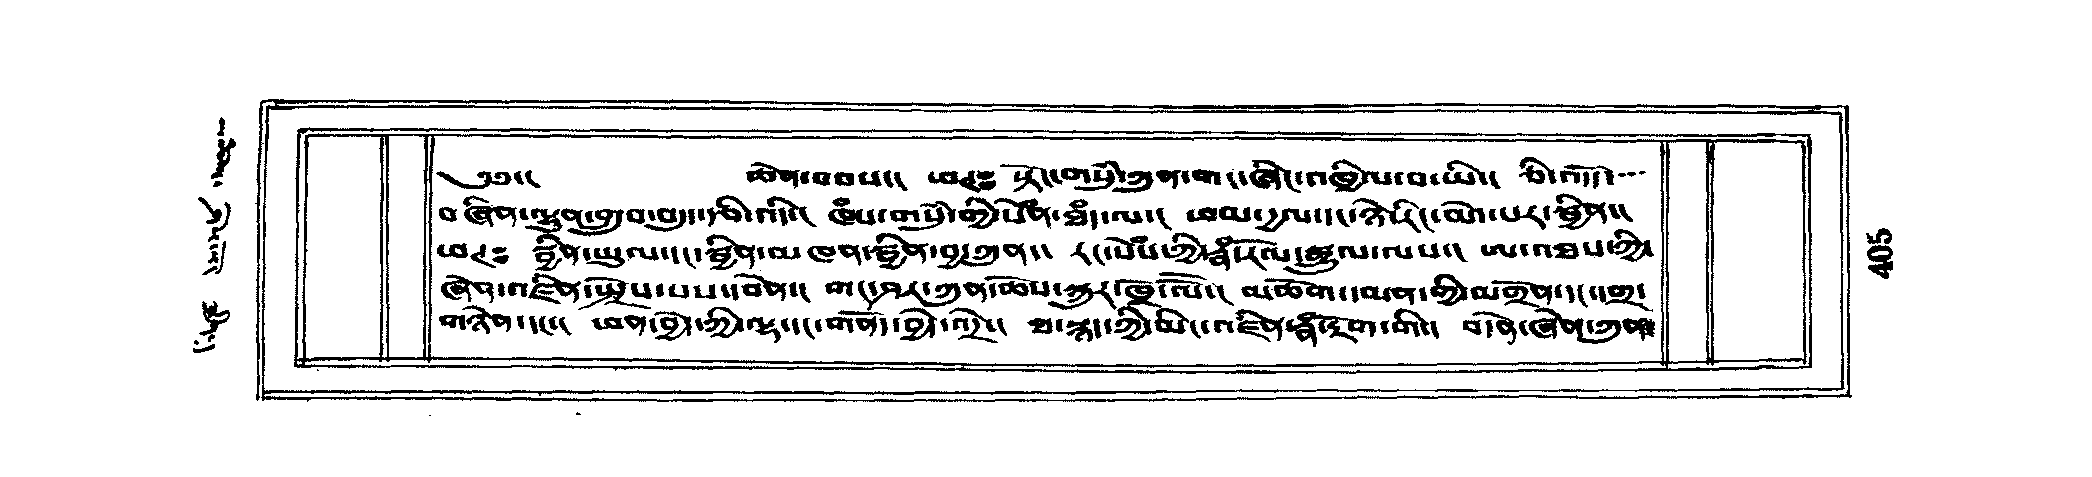ཆེན་བབས། ཕཊཿ སྟོང་གསུམ་ཀུན་གང་ཞིང་འཁྱིལ་བ་ཡི། །ཅི་འདོད་
བཞིན་ལྷུན་གྲུབ་བདུད་རྩི་འདི། །ཁམས་གསུམ་གྱི་སེམས་ཅན་ཐམས་ཅད་ལ། །ཕམ་རྒྱལ་དང་ཉེ་རིང་མེད་པར་སྦྱིན། །
ཕཊཿ སྦྱིན་ཡུལ་དང་སྦྱིན་མཁན་སྦྱིན་བྱ་ཀུན། །རང་སེམས་ཀྱི་རྣམ་འགྱུར་སྒྱུ་འཕྲུལ་ལས།།ཨ་འཐས་ཀྱི་
ཞེན་འཛིན་སྤྲོས་པས་དབེན། །གང་ཤར་ཀུན་ཆོས་སྐུར་ཁྲོ་ལོ་ལཽ། །མཆོག་དམན་གྱི་དགྲ་
གཉེན་དང་། །ཕན་བྱེད་ཀྱི་ལྷ་དང་གནོད་བྱེད་འདྲེ། །ཐ་སྙད་ཀྱི་མིང་ཙམ་རྣམ་རྟོག་གི་།བདེན་ཞེན་ཀུན་